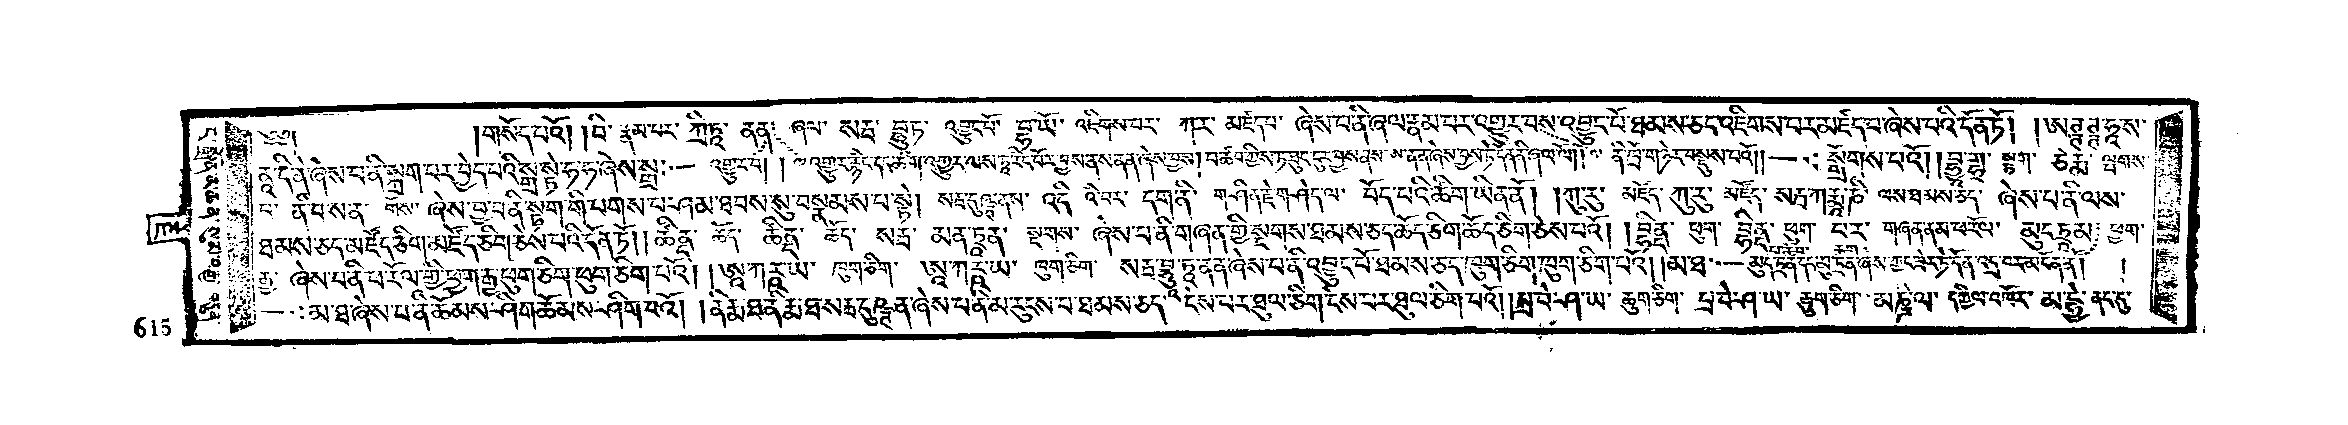༄༅། །གསོད་པའོ། །བི་རྣམ་པར་ཀྲིཏཱ་ནན་ཞལ་སརྦ་བྷུཏ་འབྱུང་པོ་བྷ་ཡོ་འཇིགས་པར་ཀ་ར་མཛད་པ་ཞེས་པ་ནི་ཞལ་རྣམ་པར་འགྱུར་བས་འབྱུང་པོ་ཐམས་ཅད་འཇིགས་པར་མཛད་པ་ཞེས་པའི་དོན་ཏོ། །ཨཊྚ་ཊྚ་ཧཱ་ས་
ནཱ་དི་ནི་ཞེས་པ་ནི་སྐྲག་པར་བྱེད་པའི་སྒྲ་སྟེ་ཧ་ཧ་ཞེས་སྒྲཿ་འགྱུར་བ། །༧འགྱུར་རྙིང་དང་ཚིག་འགྱུར་ལས་ཏཱ་རིང་པོར་བྱས་ནས་ནན་ཞེས་བྱས། པ་ཚབ་ཀྱིས་ཏ་ཐུང་ངུར་བྱས་ནས་ཨ་ན་ནན་ཞེས་བྱས་ཏེ་དོན་ནི་ཞལ་ལོ།། ༧ནི་ཁྲོ་གཉེར་བསྡུས་པའོ།།  .H སྒྲོགས་པའོ། །བྷྱཱ་གྷྲ་སྟག་ཙརྨ་ལྤགས་
པ་ནི་བ་ས་ན་གོས་ཞེས་བྱ་བ་ནི་སྟག་གི་པགས་པ་ཤམ་ཐབས་སུ་བསྣམས་པ་སྟེ། སརྦ་དུཥྚ་ནས་འདིའི་བར་དག་ནི་གཤིན་རྗེ་གཤེད་ལ་བོད་པའི་ཚིག་ཡིན་ནོ། །ཀུ་རུ་མཛོད་ཀུ་རུ་མཛོད་སརྦ་ཀརྨཱ་ཎི་ལས་ཐམས་ཅད་ཞེས་པ་ནི་ལས་
ཐམས་ཅད་མཛོད་ཅིག་མཛོད་ཅིག་ཅེས་པའི་དོན་ཏོ། །ཚིནྡ་ཆོད་ཚིནྡ་ཆོད་སརྦ་མན་ཏྲཱ་ན་སྔགས་ཞེས་པ་ནི་གཞན་གྱི་སྔགས་ཐམས་ཅད་ཆོད་ཅིག་ཆོད་ཅིག་ཅེས་པའོ། །བྷིནྡ་ཕུག་བྷིནྡ་ཕུག་པ་ར་གཞན་ནམ་ཕ་རོལ་མུང་ཏྲཱམ་ཕྱག་
རྒྱ་ཞེས་པ་ནི་ཕ་རོལ་གྱི་ཕྱག་རྒྱ་ཕུག་ཅིག་ཕུག་ཅིག་པའོ། །ཨཱ་ཀརྵ་ཡ་ཁུག་ཅིག་ཨཱ་ཀརྵ་ཡ་ཁུག་ཅིག་སརྦ་བྷུ་ཏཱ་ནན་ཞེས་པ་ནི་འབྱུང་པོ་ཐམས་ཅད་ཁུག་ཅིག་ཁུག་ཅིག་པའོ། །མ་ཐཿ་པ་ཚབ་མུད་ཏྲན་དང་མུ་ཏྲན་ཆག་ཞེས་ཀྱང་ཟེར་ཏེ་དོན་འདྲ་བར་མངོན་ནོ། །
.H མ་ཐ་ཞེས་པ་ནི་ཆོམས་ཤིག་ཆོམས་ཤིག་པའོ། །ནི་རྨ་ཐ་ནི་རྨ་ཐ་སརྦ་དུཥྚ་ན་ཞེས་པ་ནི་མ་རུངས་པ་ཐམས་ཅད་ངེས་པར་ཐུལ་ཅིག་ངེས་པར་ཐུལ་ཅིག་པའོ། །པྲ་བེ་ཤ་ཡ་ཆུག་ཅིག་པྲ་བེ་ཤ་ཡ་ཆུག་ཅིག་མཎྜལ་དཀྱིལ་འཁོར་མ་དྷྱེ་ནང་དུ་